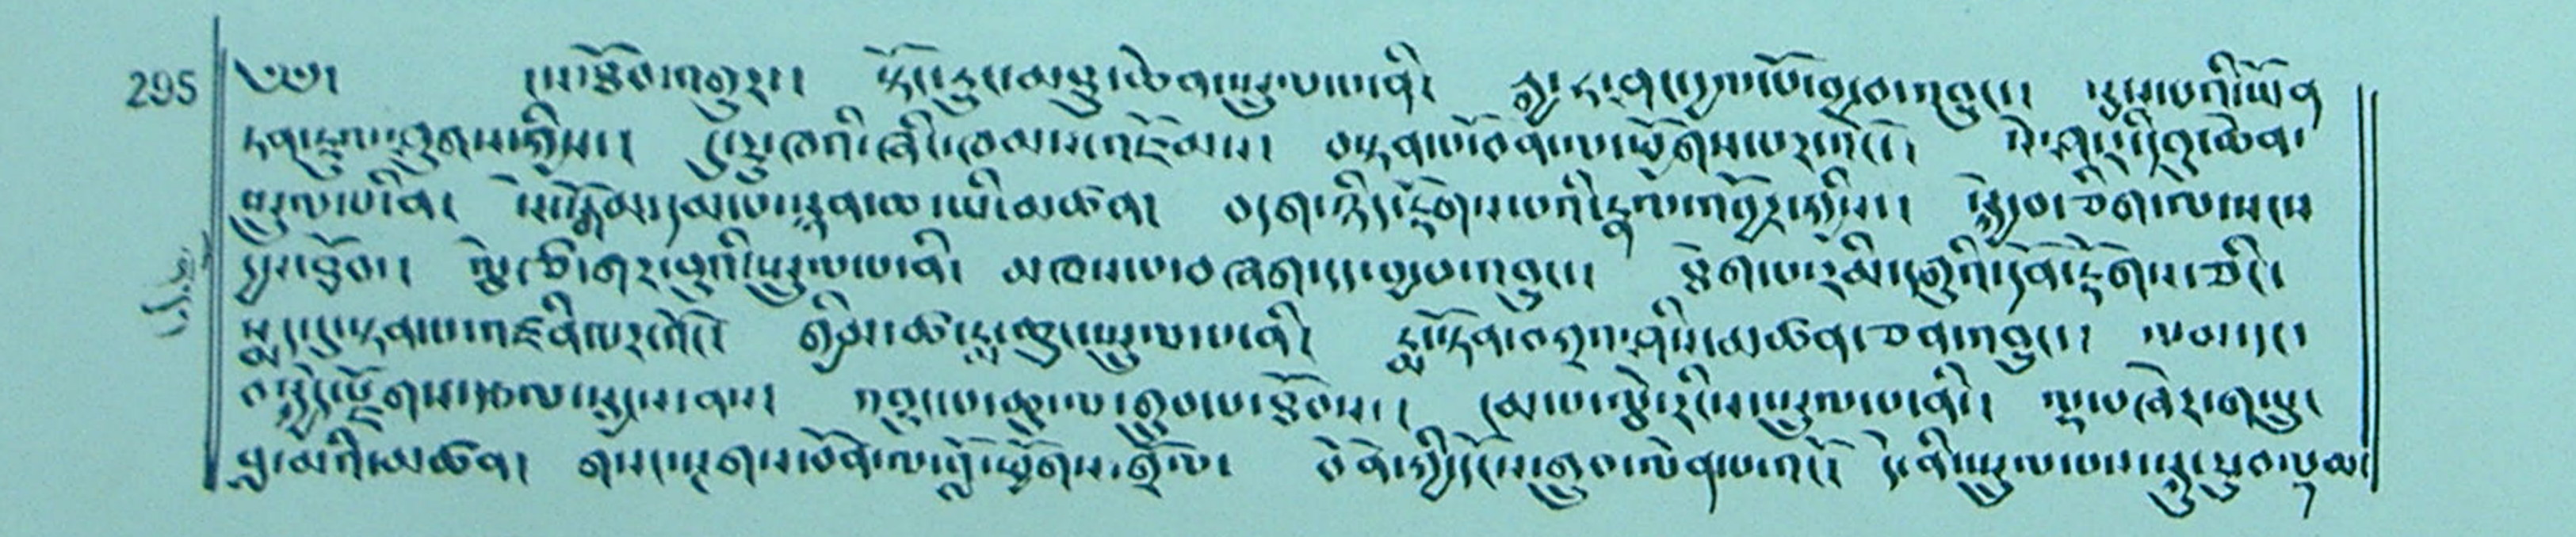༄༅། །ས་ཐོབ་འགྱུར། སྟོང་རྒྱུང་མཐུ་ཆེན་སྤྲུལ་པ་ནི། རྒྱ་ཧ་ཤང་རྒྱལ་བོ་བྱ་བ་འབྱུང་། སྦས་པའི་ཡོན་
ཏན་རྟུལ་ཤུགས་ཀྱིས། དུ་རུ་ཁ་ཡི་ཞིང་ཁམས་འཇོམས། བསྟན་པ་བོན་ལ་ཕྱོགས་པར་འོང་། སེ་ཤ་རི་དབུ་ཆེན་
སྤྲུལ་པ་ནི། སེ་སྒོམ་དམ་པ་སྙན་ཆའི་མཚན། བདག་ཉིད་རྟོགས་པའི་རྣལ་འབྱོར་གྱིས། སྐྱེ་བ་གཅིག་ལ་སངས་
རྒྱས་ཐོབ། ལྕེ་ཙ་གར་བུའི་སྤྲུལ་པ་ནི། མཁས་པ་བཞག་དད་བྱ་བ་འབྱུང་། ཐེག་པ་རིམ་དགུའི་དོན་རྟོགས་ཅིང་།
 སྨད་དུ་བསྟན་པ་འཛིན་པར་འོང་། གྱེམ་ཚ་རྨ་ཆུང་སྤྲུལ་པ་ནི། རྨ་སྟོན་བཀྲ་ཤིས་མཚན་ཅན་འབྱུང་། ལམ་དང་
བསྐྱེད་རྫོགས་རྩལ་སྦྱངས་ནས། འབྱུང་བ་ཆུ་ལ་གྲུབ་པ་ཐོབ། རྔམ་པ་ལྕེ་རིང་སྤྲུལ་པ་ནི། ལྷ་བཞེར་གཡུང་དྲུང་
བླ་མའི་མཚན། གསང་སྔགས་བོན་ལ་བློ་ཕྱོགས་གྲོལ། བོན་གྱི་དངོས་གྲུབ་ལེན་པ་འོང་། དེ་ནི་སྤྲུལ་པའི་སྐུ་རུ་བལྟམས།